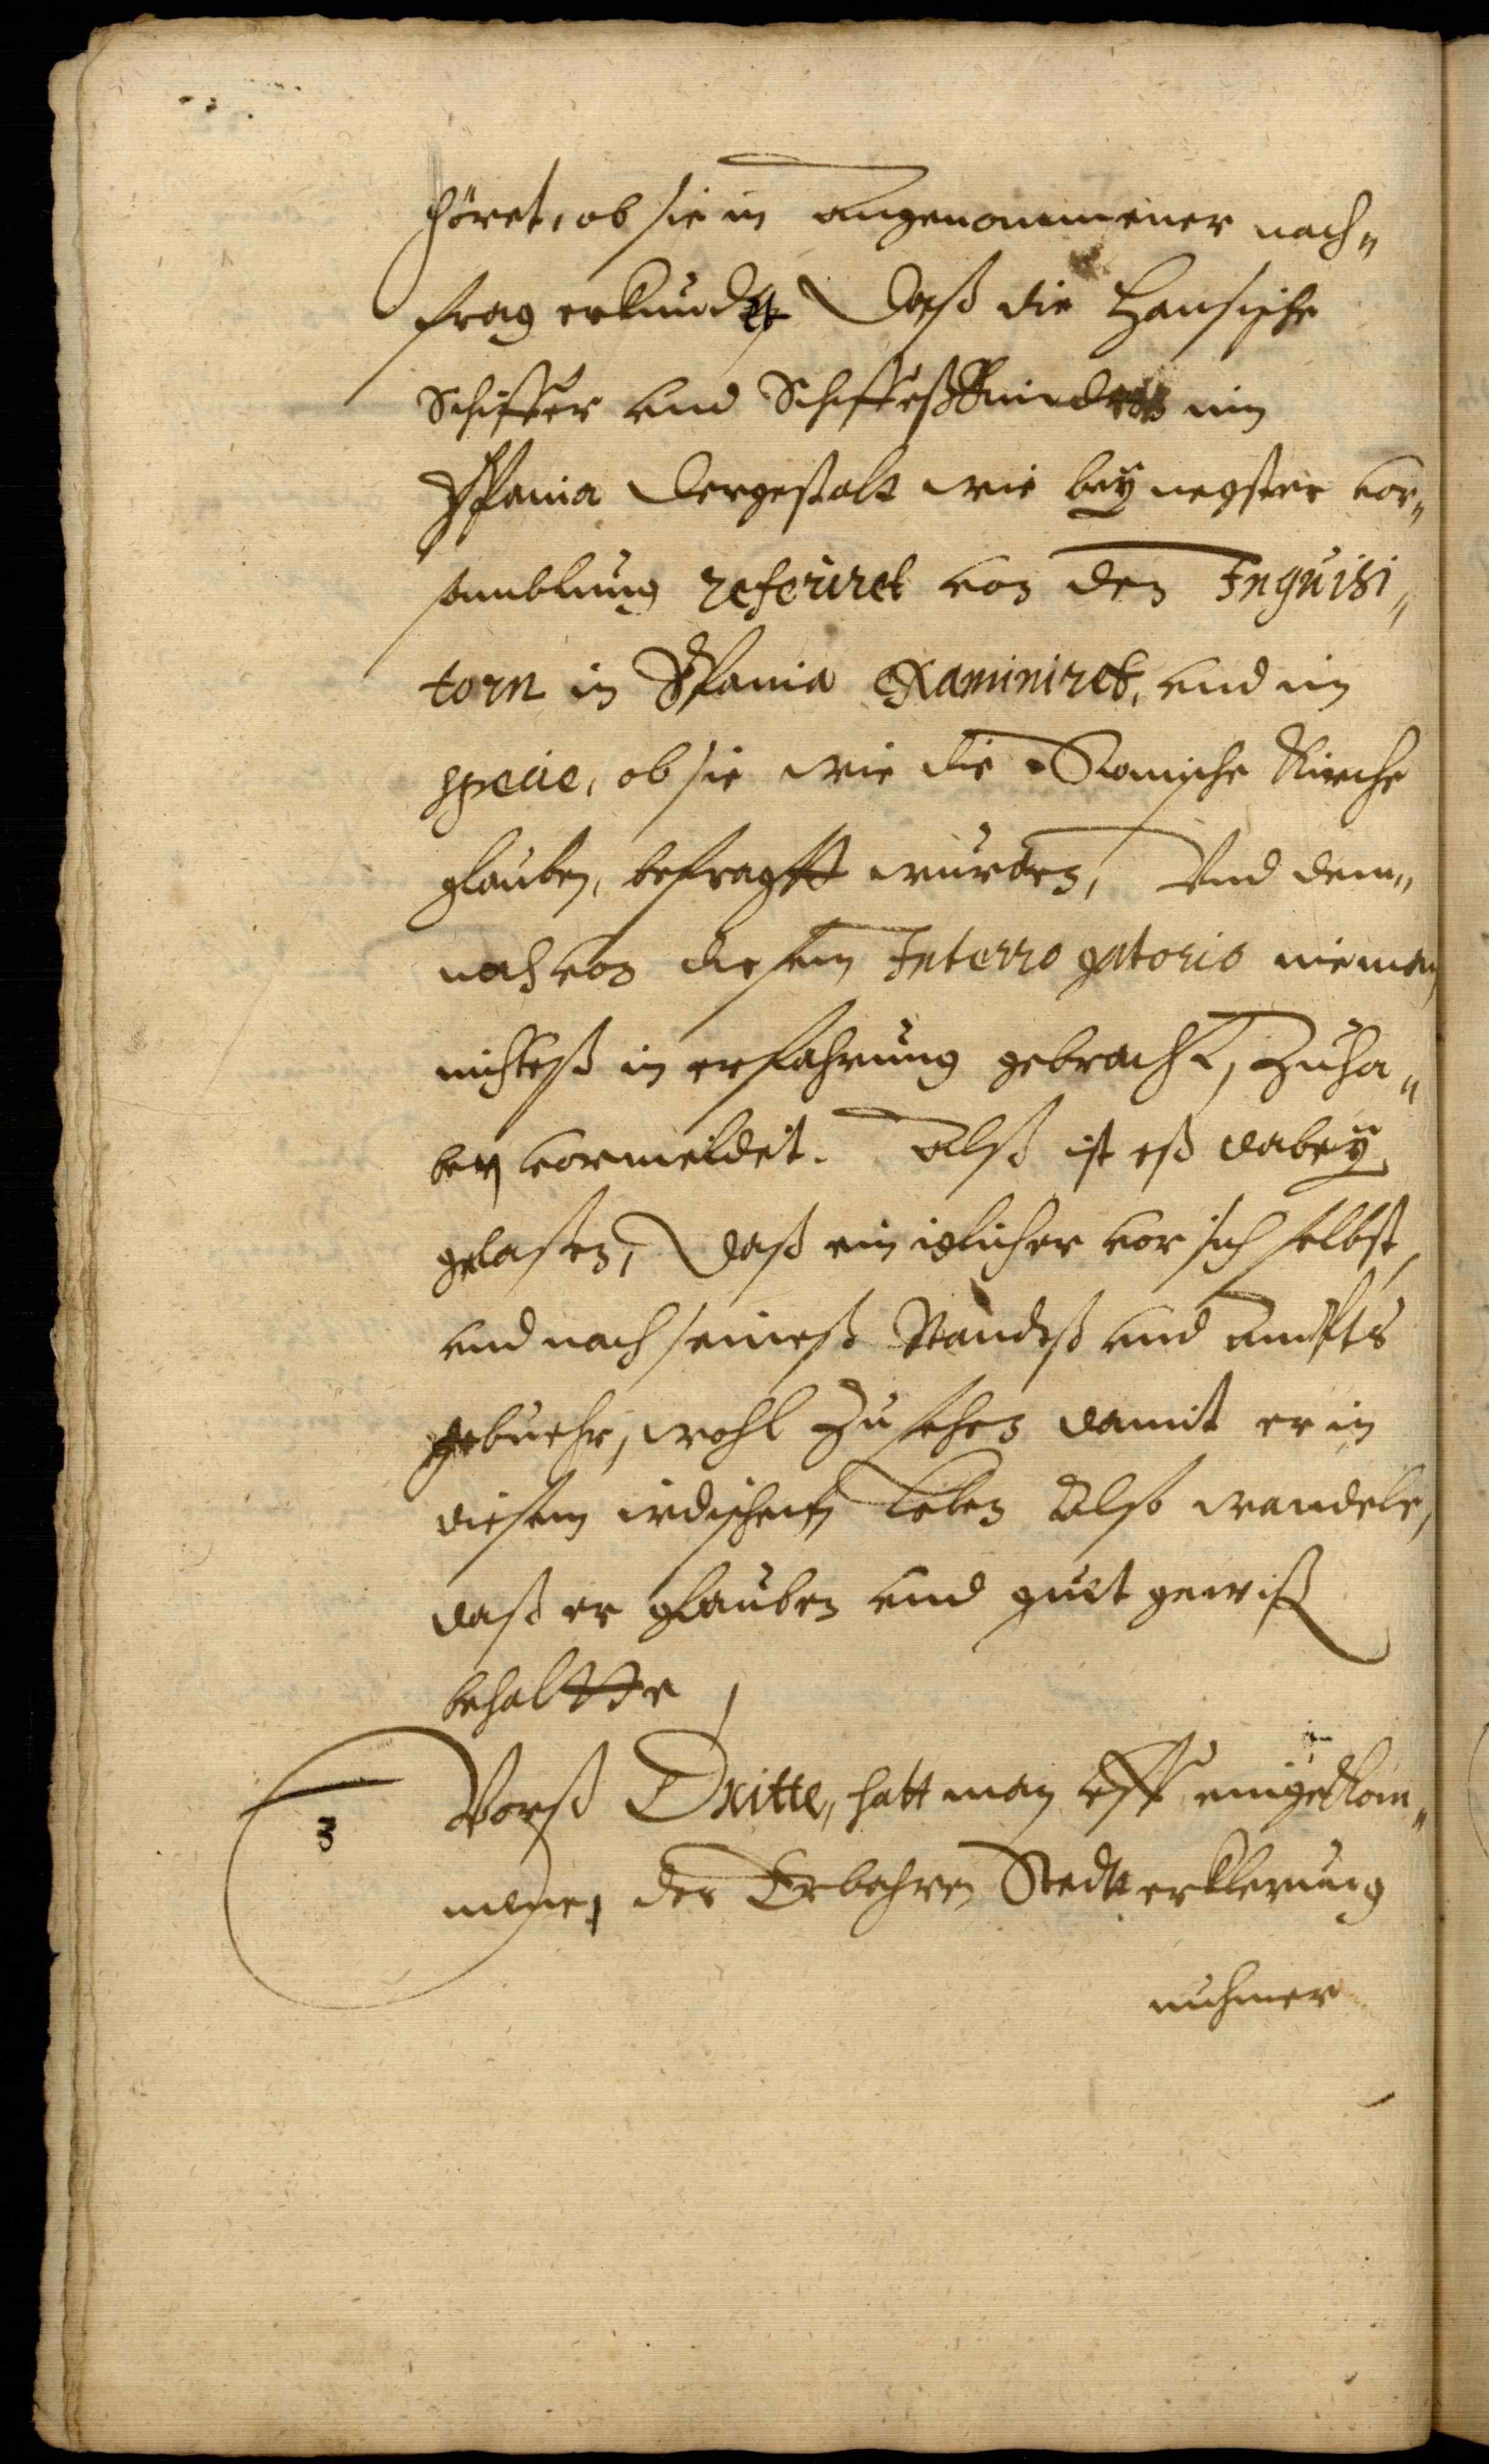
3
höret, ob sie in Angenommener nach¬
frag erkundtt daß die Hansische
Schiffer vnd Schiffeßkinder inn
Spania dergestalt wie beij negster vor¬
samblung referiret von den Inquisi¬
torn in Spania examiniret, vnd inn
specie, ob sie wie die Spanische Kirche
gleichen befragett wurden, Vnd dem¬
nach von diesem Interrogatorio nieman
nichteß in erfahrung gebracht, zuha¬
ben vormeldet. Alß ist eß dabeij
gelaßen, Daß ein iglicher vor sich selbst,
vnd nach seineß Standtß vnd Ampts
gebuehr, wohl zu sehen damit er in
diesem irdischen Leben Also wandele,
daß er glauben vnd guet gewißen
behaltte,
Vorß Dritte, hatt man vff eingekom¬
mene, der Erbahrn Stadt erklerung
numehr
